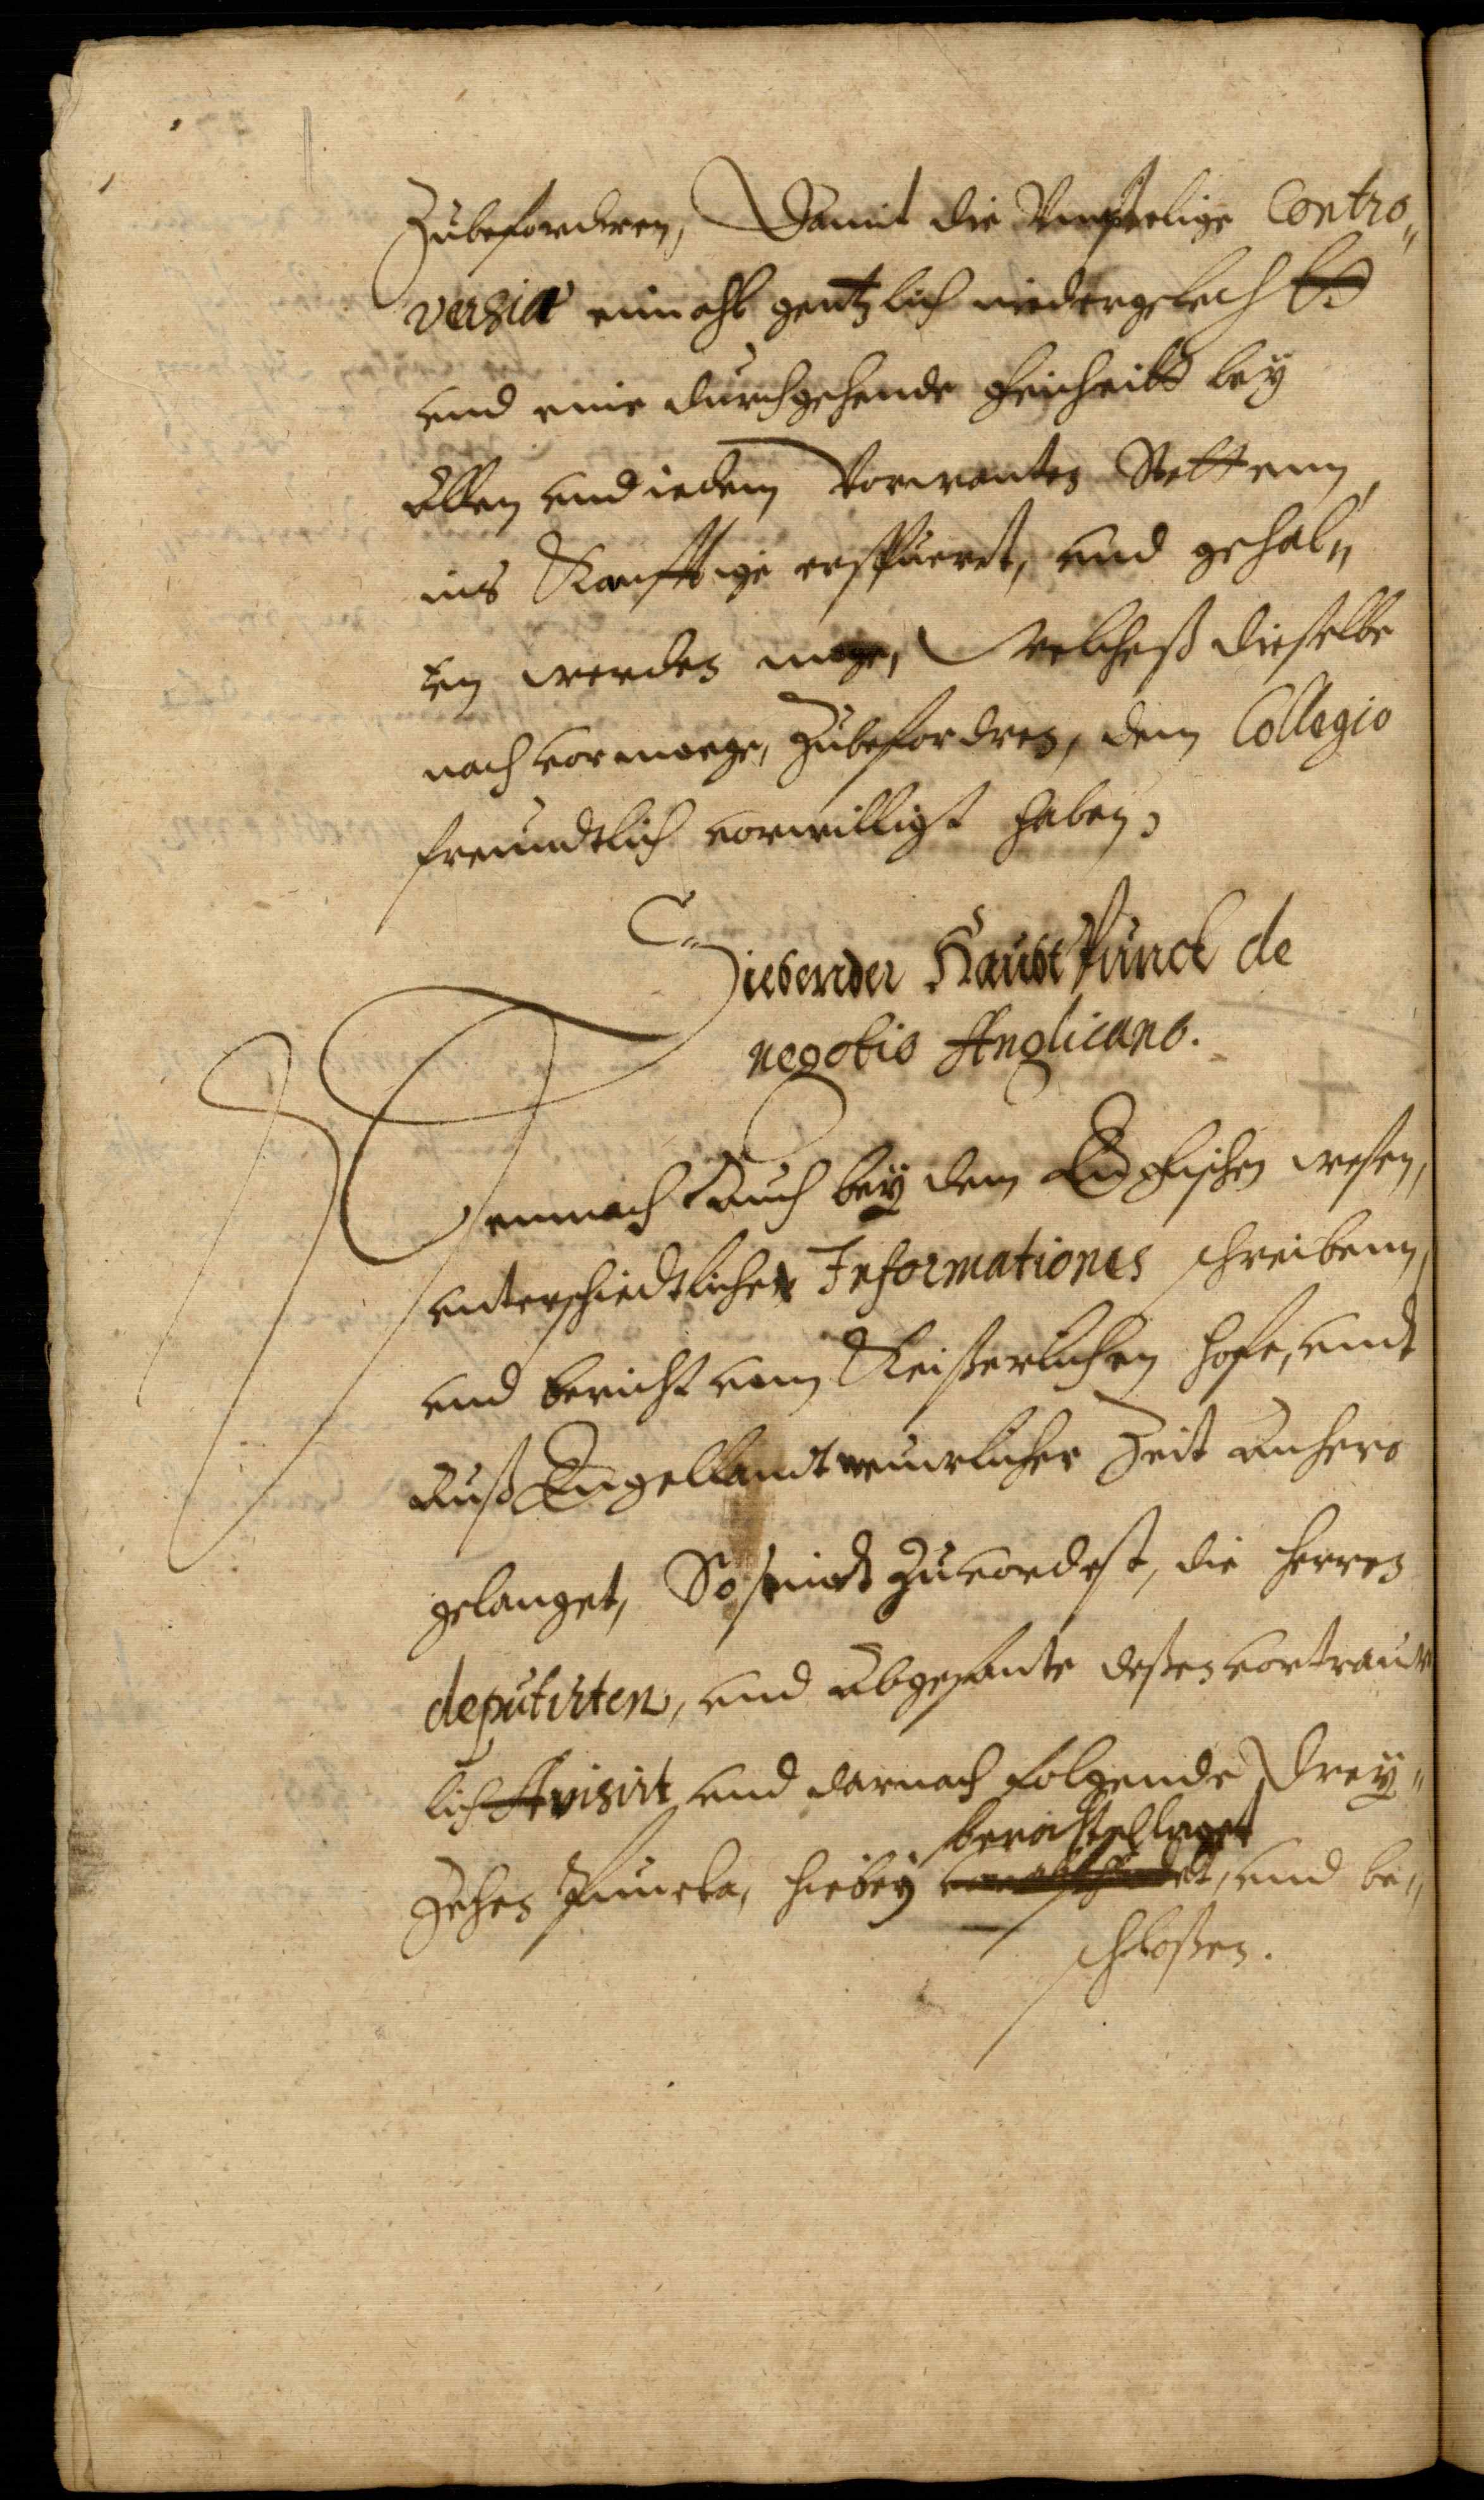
Zubefordren, Damit die Vnnselige Contro¬
versiae einmahl gentzlich niedergelechtt
vnd eine durchgehende gleicheitt beij
Allen vnd iedem Vorwanten Stattenn
ins Kanfftige erspuret, vnd gehal¬
ten werden muge, Welcheß dieselbe
nach vormoege, zubefordren, dem Collegio
freundtlich vorwilligt haben,
Siebender Haubt Punct de
negotio Anglicano.
Demnach auch beij denn Englischen wesen,
vnterschiedtlichen Informationes schreibenn,
vnd bericht vom Keißerlichen hofe, vnndt
Auß Engellandt neuwliche zeit Anhero
gelanget, So seindt zuvordest, die herren
deputirten, vnd Abgesante deßen vortrauw
lich Avisirt vnd darnach folgende dreij¬
zehen Puncta hiebeij vorabschiedet berahtschlaget, vnd be¬
schloßen.
